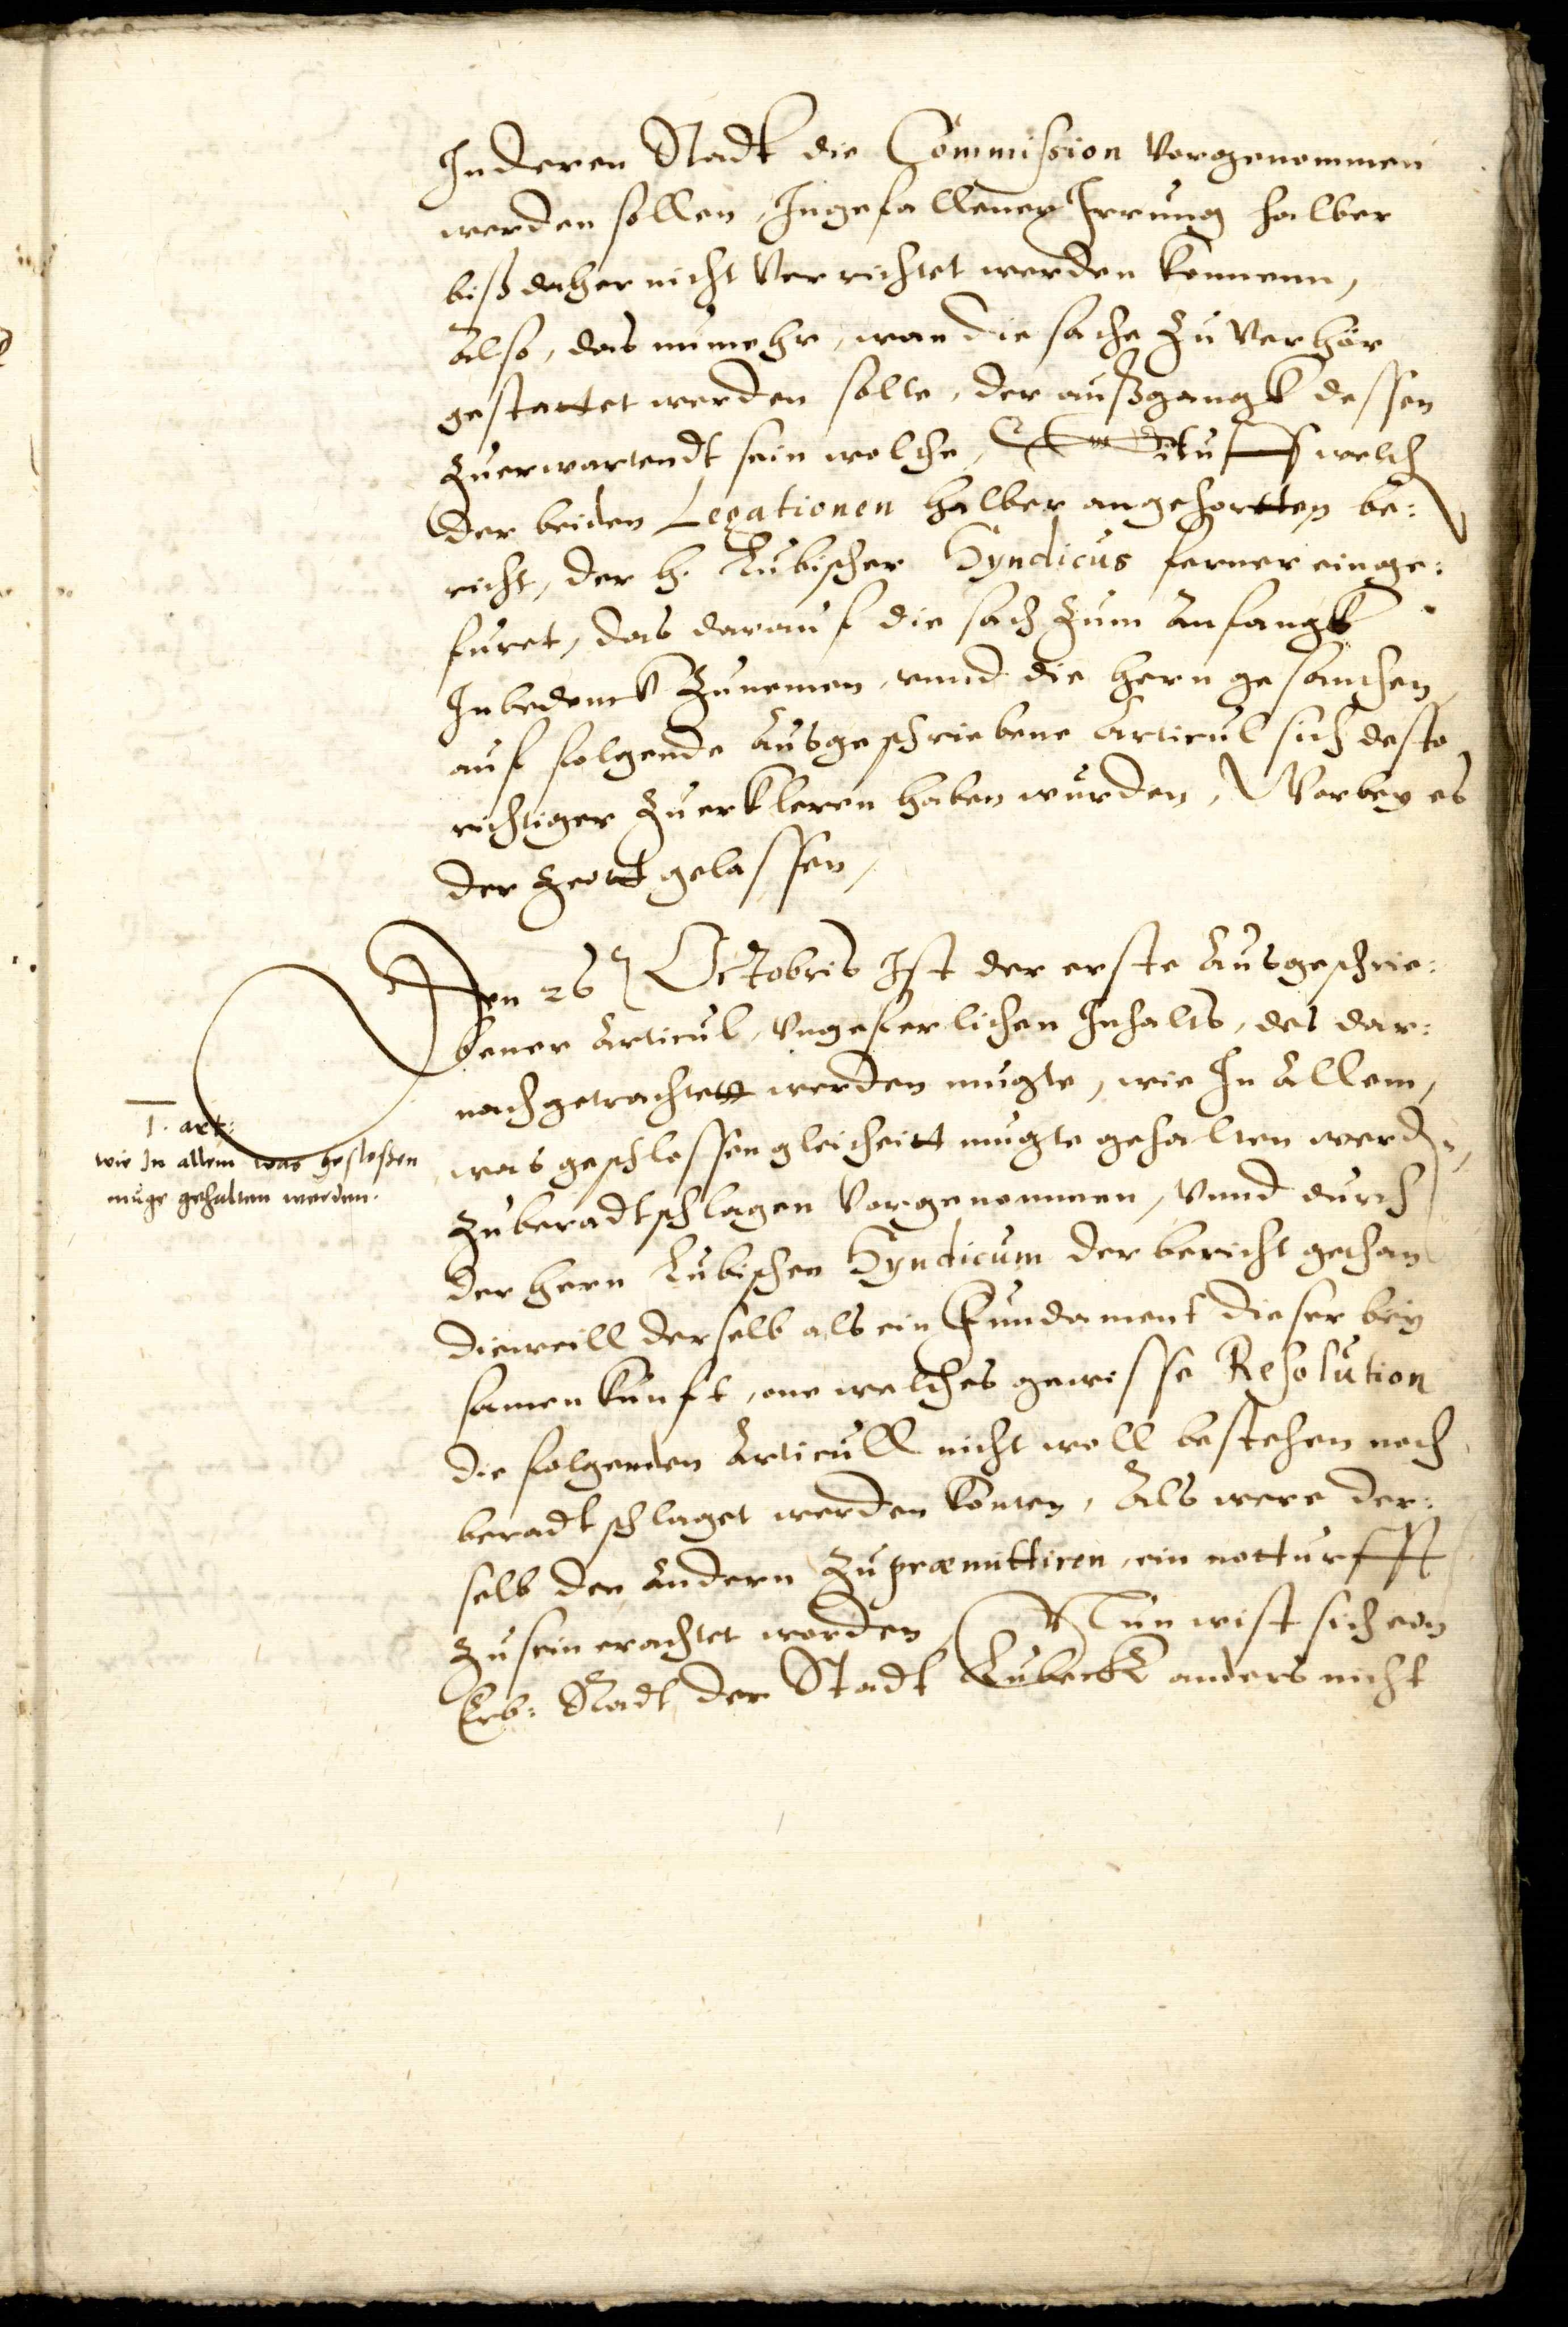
Jn deren Stadt die Commission vorgenommen
werden sollen, Jn gefallener Jrrung halber
biß daher nicht verrichtet werden konnenn,
also, das numehr, wan die sache zu verhör
gestattet werden solle, der außgangk dessen
zu erwartendt sein wolthe, Auff welchen
der beiden Legationen halber angehortten be¬
richt, der h. Lubischer Syndicus ferner einge¬
furet, das darauf die sach zum anfangk
Jn bedenck zu nemen, vnnd die hern gesanthen,
auf folgende ausgeschriebene articul sich desto
richtiger zu erkleren haben wurden, Worbey es
der zeitt gelassen,
I. art:
wie Jn allem was gesloßen
muge gehalten werden.
Den 26 Octobris Jst der erste ausgeschrie¬
bener articul vngeferlichen Jnhalts, des dar¬
nach getrachtett werden mugte, wie Jn allem,
was geschlossen gleicheitt mugte gehalten werden,
zu beradtschlagen vorgenommen, vnnd durch
der hern Lubischen Syndicum der bericht gethan
dieweill derselb als ein Fundament dieser beij
samenkunft, one welches gewisse Resolution
die folgenden articull nicht woll bestehen noch
beradtschlaget werden konten, als were der¬
selb den andern zu praemittiren, ein notturfft
zu sein erachtet worden, Nun wist sich ein
Erb: Radt der Stadt Lubeck anders nicht
